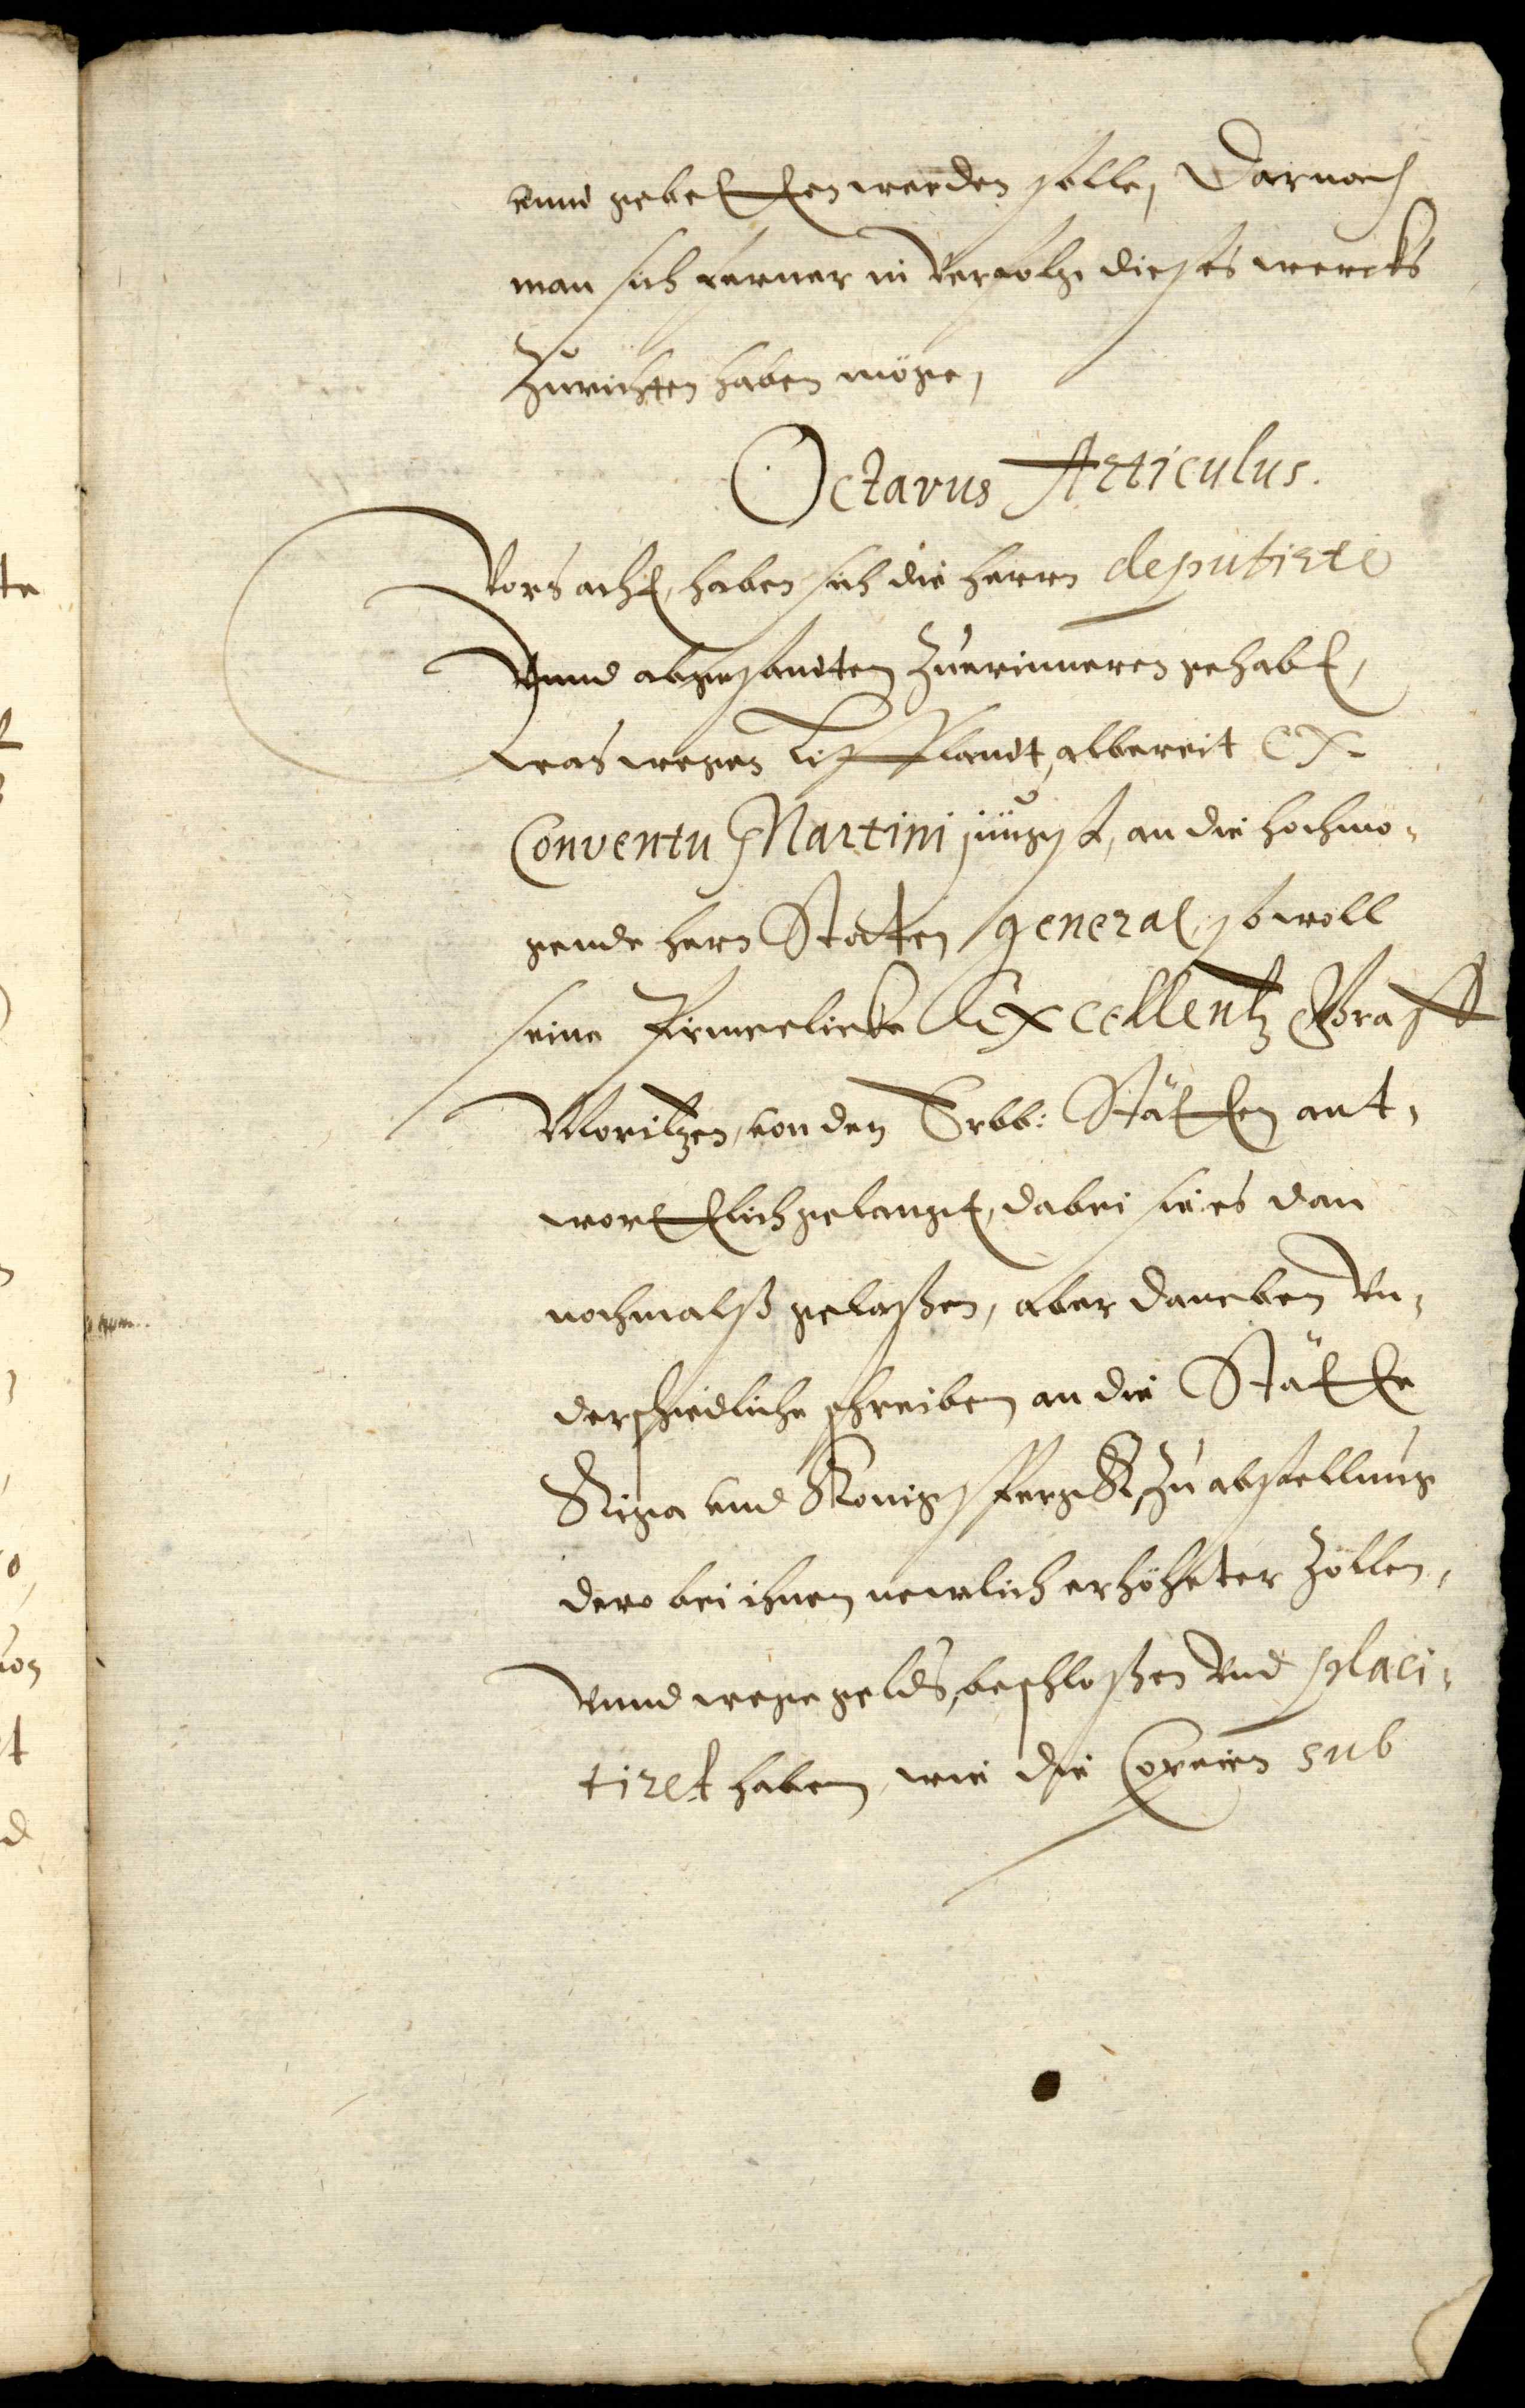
vnnd gebetten werden solle, darnach
man sich ferner in verfolg dieses wercks
Zurichten haben möge,
Octavus Articulus.
Vors acht, haben sich die herrn deputirte
Vnnd abgesandten Zuerinneren gehabt,
was wegen Lifflandt, albereit ex
Conventu Martini jüngst, an die hochmo¬
gende hern Staten general, sowoll
seine Ziemeelieke Excellentz Graff
Moritzen, von den Erbb: Stätten ant¬
worttlich gelangt, dabei sei es dan
nochmalß gelaßen, aber daneben Vn¬
derschiedliche schreiben an die Stätte
Riga vnd Konigspergk, Zu abstellung
dero bei ihnen newlich erhöhter Zöllen,
Vnnd wegen gelds, beschloßen vnd placi¬
tiret haben, wie die Copeien sub
